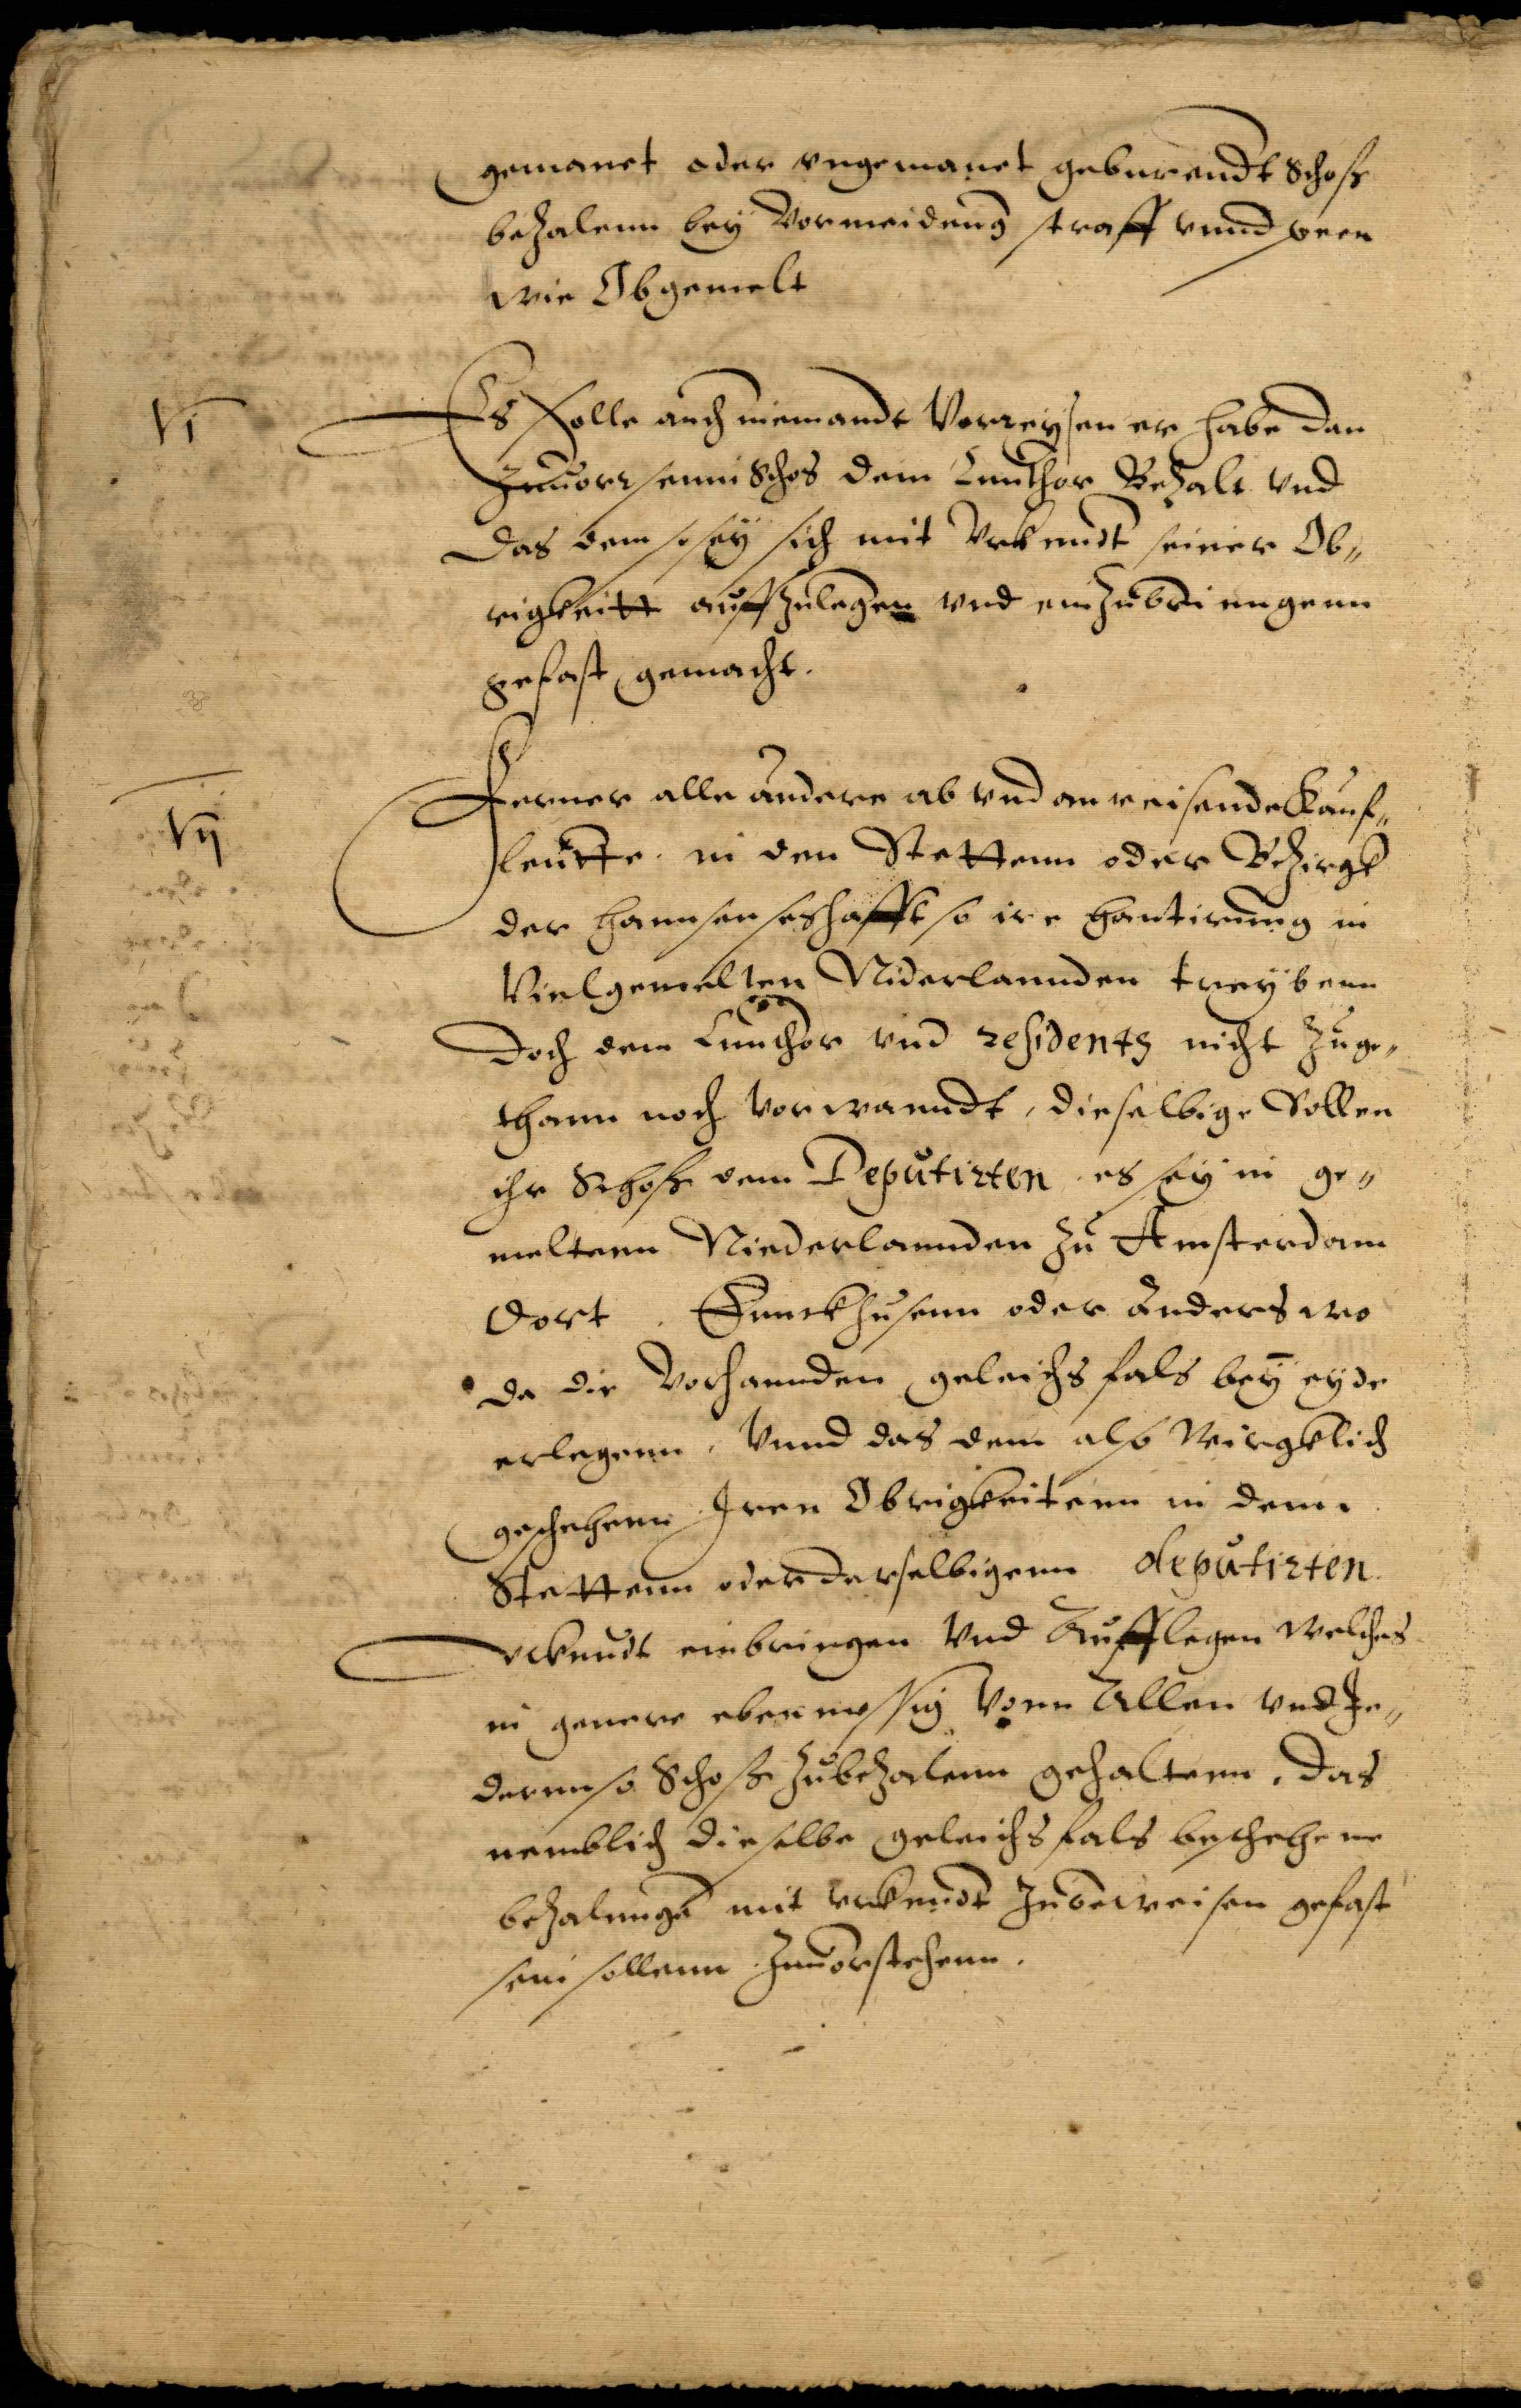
gemanet oder vngemanet geburendt Schoß
bezalenn beij vormeidung straff vnnd peen
wie Obgemelt
Vi
Es solle auch niemandt Vorreijsen er habe den
zuuorn seinn Schoß dem Cunthor Bezalt vnd
das dem so seij sich mit Vrkundt seiner Ob¬
rigkeitt auffzulegen vnd einzubrinngenn
gefast gemacht.
Vii
Ferner alle Andern ab vnd anreisende Kauf¬
leutte in den Stettenn oder Bezirgk
der hansen seshafft so ire Hantirung in
vielgemelten Niderlannden treijbenn
doch dem Cunthor vnd residentz nicht zuge¬
thann noch vorwannndt, dieselbige Sollen
ihr Schoß dem Deputirten, es seij in ge¬
meltenn Niederlannden zu Amsterdam
Dort. Ennckhusenn oder Anderswo
da die Vorhanden geleichsfals beij eijde
erlegenn. Vnnd das dem also wirgklich
geschehenn Iren Obrigkeitenn in denn
Stettenn oder derselbigenn deputirten
Vrkundt einbringen vnd Aufflegen welches
ei genere ebenmessig vonn Allen vnd Je¬
denn so Schoß zu bezalen gehaltenn, das
nemblich dieselbe geleichsfals beschehene
bezalunge mit vrkundt zu beweisen gefast
sein sollenn zuuorstehenn.
